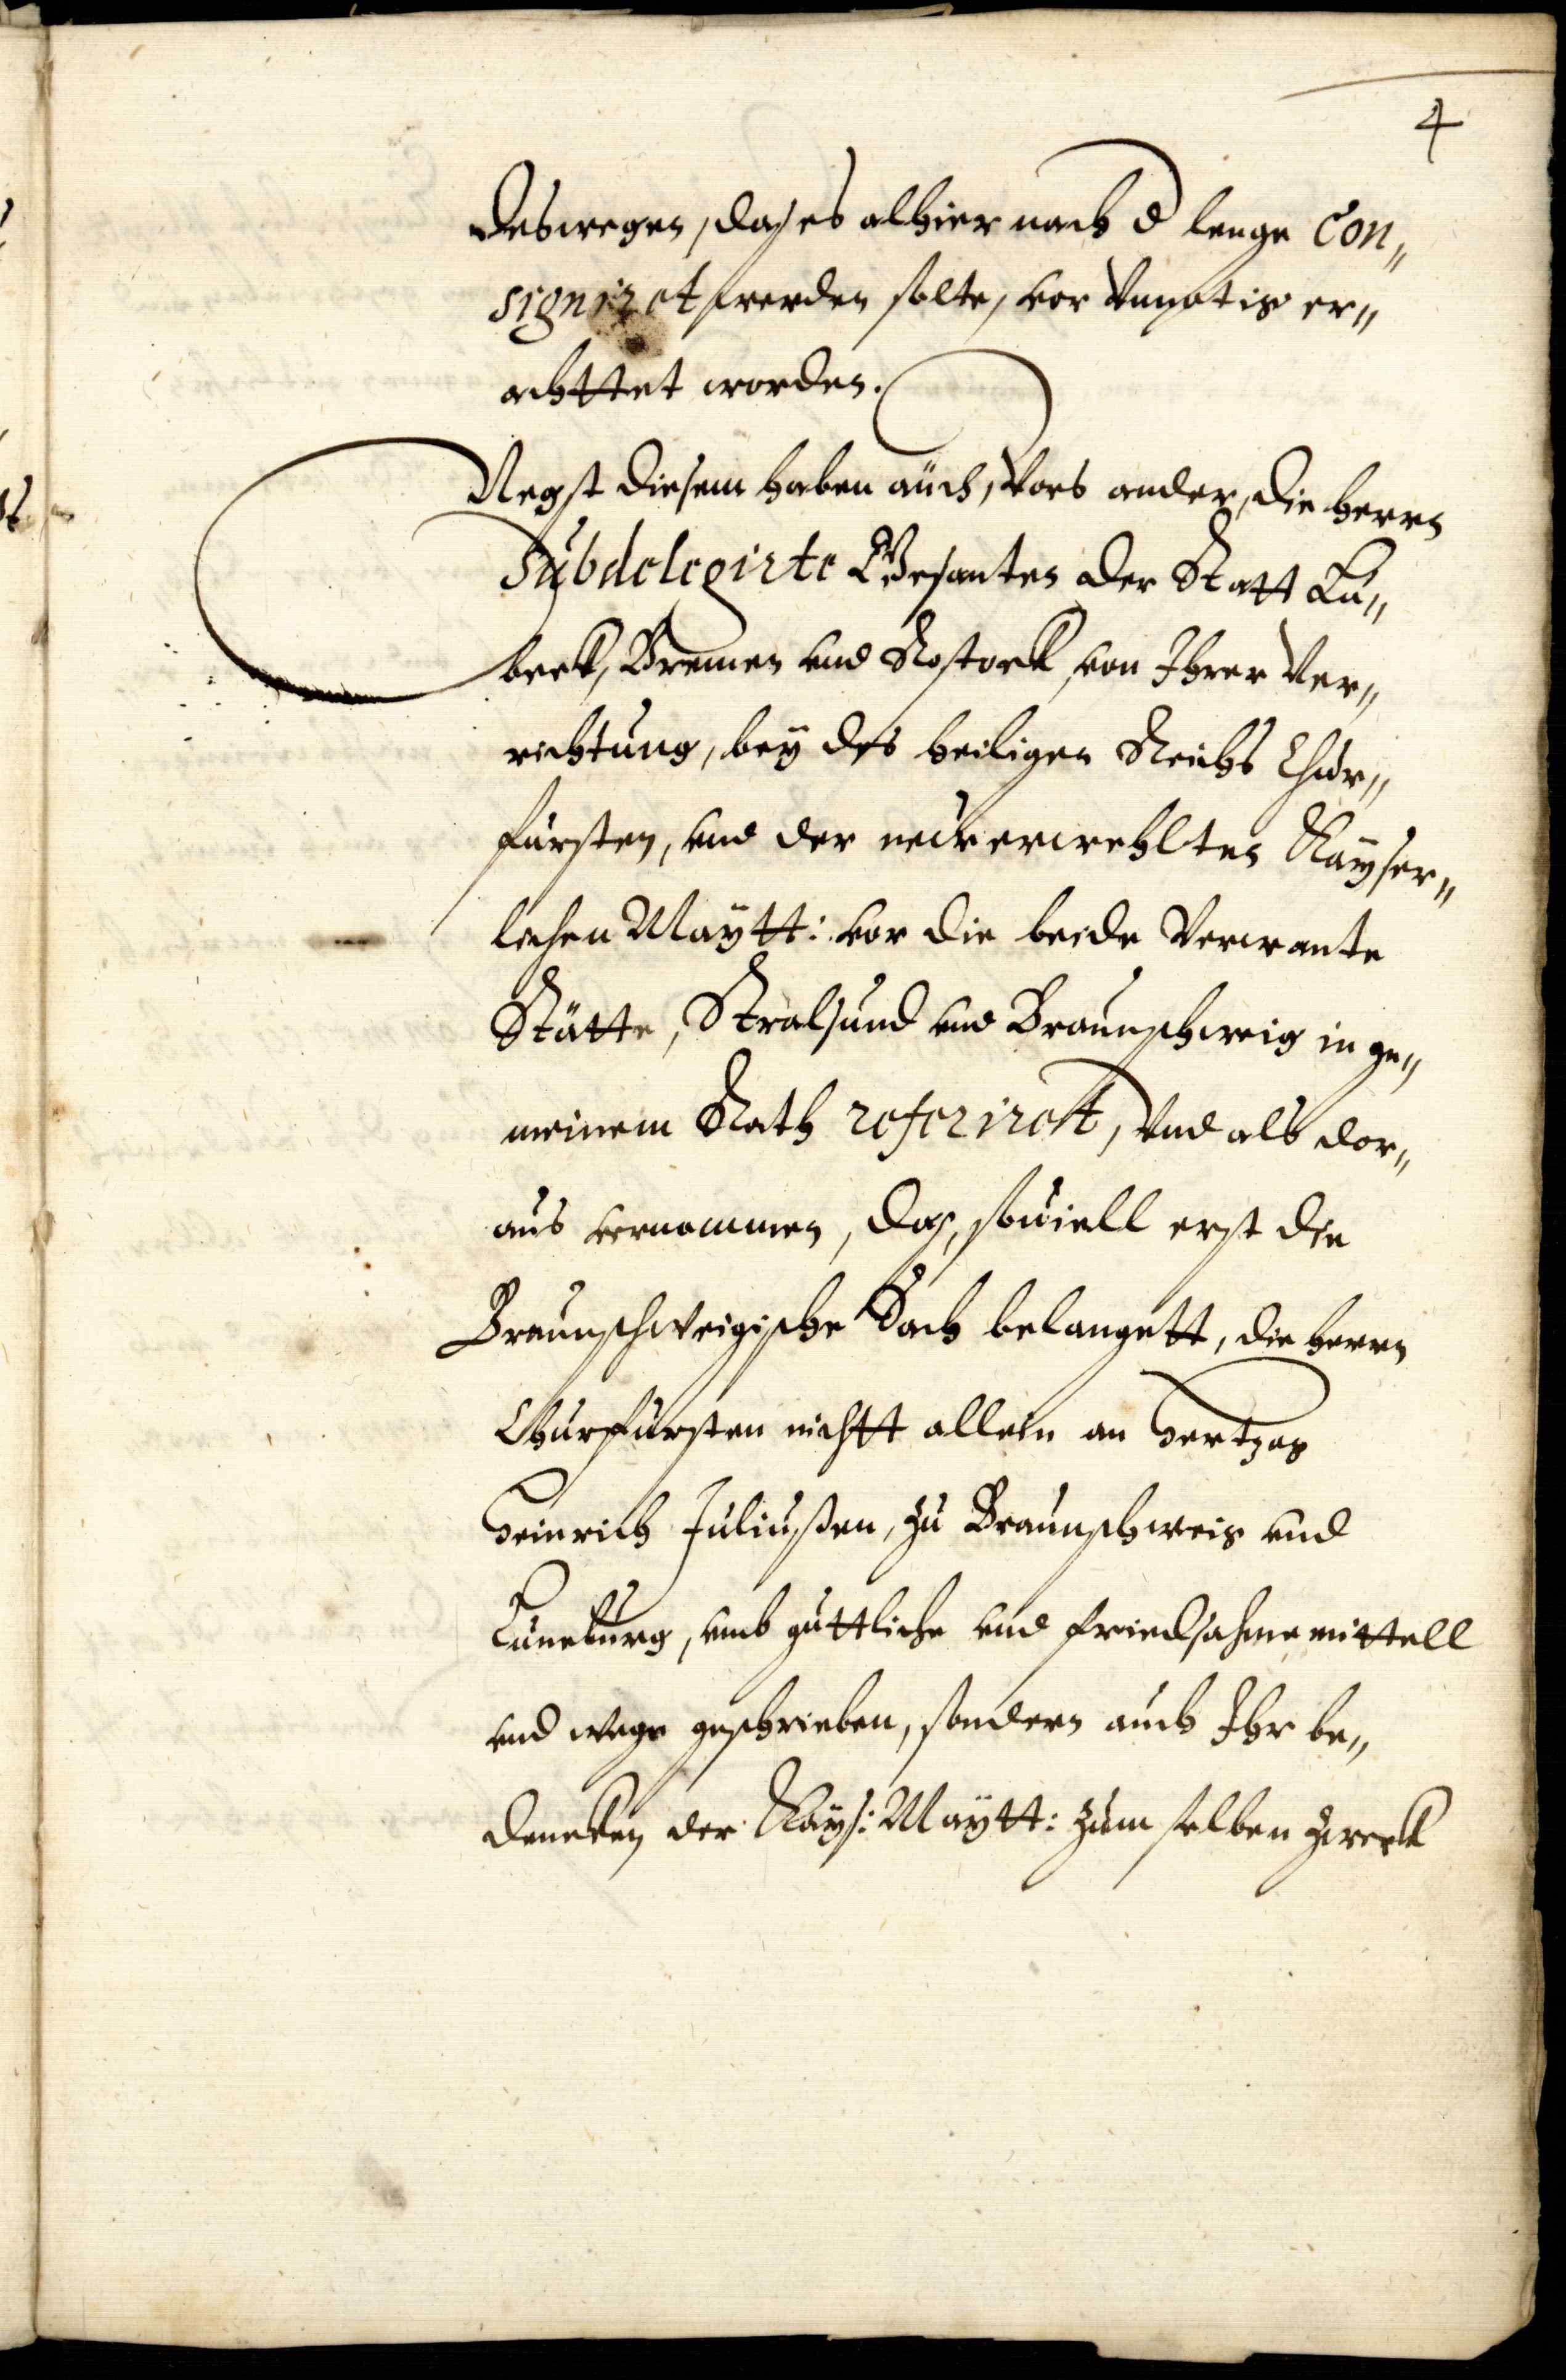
4
deswegen, das es alhier nach der lenge con¬
signiret werden solte, vor Vnnotig er¬
achttet worden.
Negst diesem haben aüch, vors ander, die herrn
subdelegirte Gesanten der Statt Lu¬
beck, Bremen vnd Rostock von Ihrer Ver¬
richtung, beij des heiligen Reichs Chur¬
fursten, vnd der new erwehlten Kaijser¬
lichen Maijtt: vor die beide Verwante
Stätte, Stralsund vnd Braunschweig in ge¬
meinem Rath referiret, Vnd als dor¬
aus vernommen, das, souiell erst die
Braunschweigische Sach belangett, die herrn
Churfursten nichtt allein an Hertzog
Heinrich Juliußen, zu Braunschweig vnd
Luneburg, vmb guttliche vnd friedsahme mittell
vnd wege geschrieben, sondern auch Ihr be¬
dennken der Kaijs: Maijtt: zum selben zweck
